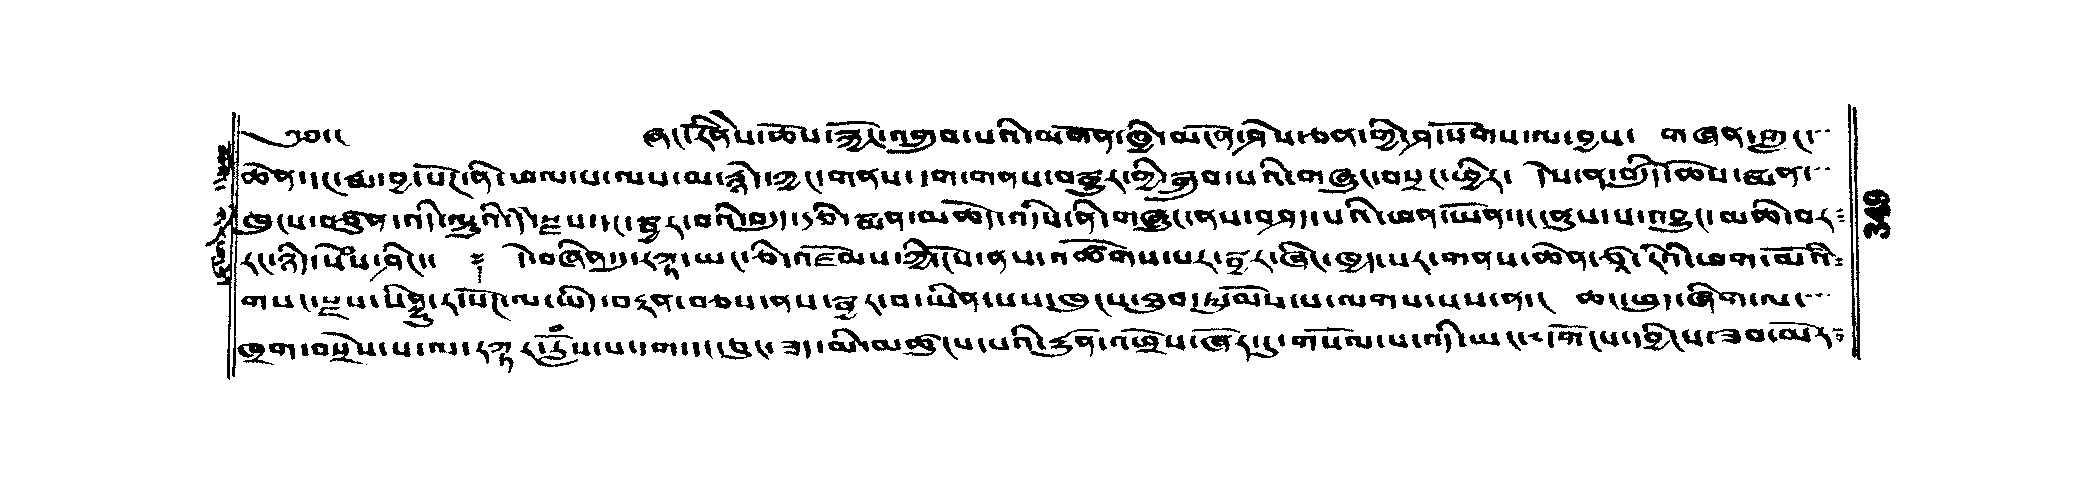ཞང་རིན་པོ་ཆེས་ཆོས་སྐྱོང་འགྲུབ་པའི་མགོན་ཁྱི་མངོན་ཤེས་ཅན་གྱི་ཤ་སོགས་ལ་བྱས། གཞན་གླང་
ཆེན་དང་རྨ་བྱ་སོགས་ནི་ཕལ་བ་ལས་མ་རྙེད་ཀྱང་གནས་དག་གནས་བསྒྱུར་གྱི་སྒྲུབ་པའི་གཞུང་བསྲང་ཕྱིར། དེས་ན་བདུད་རྩི་ཆོས་སྨན་
ཁུངས་བཙུན་འདི་ལྟ་བུའི་དམ་རྫས་དང་སྦྱར་བའི་བདུད་རྩི་སྨན་མཆོད་འདིས་ནི་གཞུང་ནས་བཤད་པའི་ཕན་ཡོན་དང་ནུས་པ་འབྱུང་མཆི་བར་
རང་ཉིད་སེམས་ཤིང་། ༈ དེ་བཞིན་དུ་རཀྟ་ཡང་ཅི་འཛོམས་ཀྱི་ངོས་ནས་ཚོགས་པར་སྦྱར་ཞིང་ཁྱད་པར་གནས་ཆེན་ཅཱ་རིའི་ཕག་མོའི་
གསང་རྫས་སིནྡྷུ་ར་སོགས་ལ་ཡིད་བརྟན་བཅས་ནས་སྦྱར་བ་ཡིན་པས་ཁུངས་ཐུབ་ཏུ་མོས་པ་ལགས་པས་ན། ཆང་ཕུད་ཞིག་ལ་
ཁྲག་བསྲེས་པ་ལ་རཀྟར་རློམ་པ་དག་དང་ཅུང་ཟད་མི་མཚུངས་པའི་རྒྱུ་མཚན་འཕྲོས་ཞོར་དུ་གསོལ་པ་པ་འདི་ཡང་དགོངས་དབྱིངས་ཟབ་མོར་